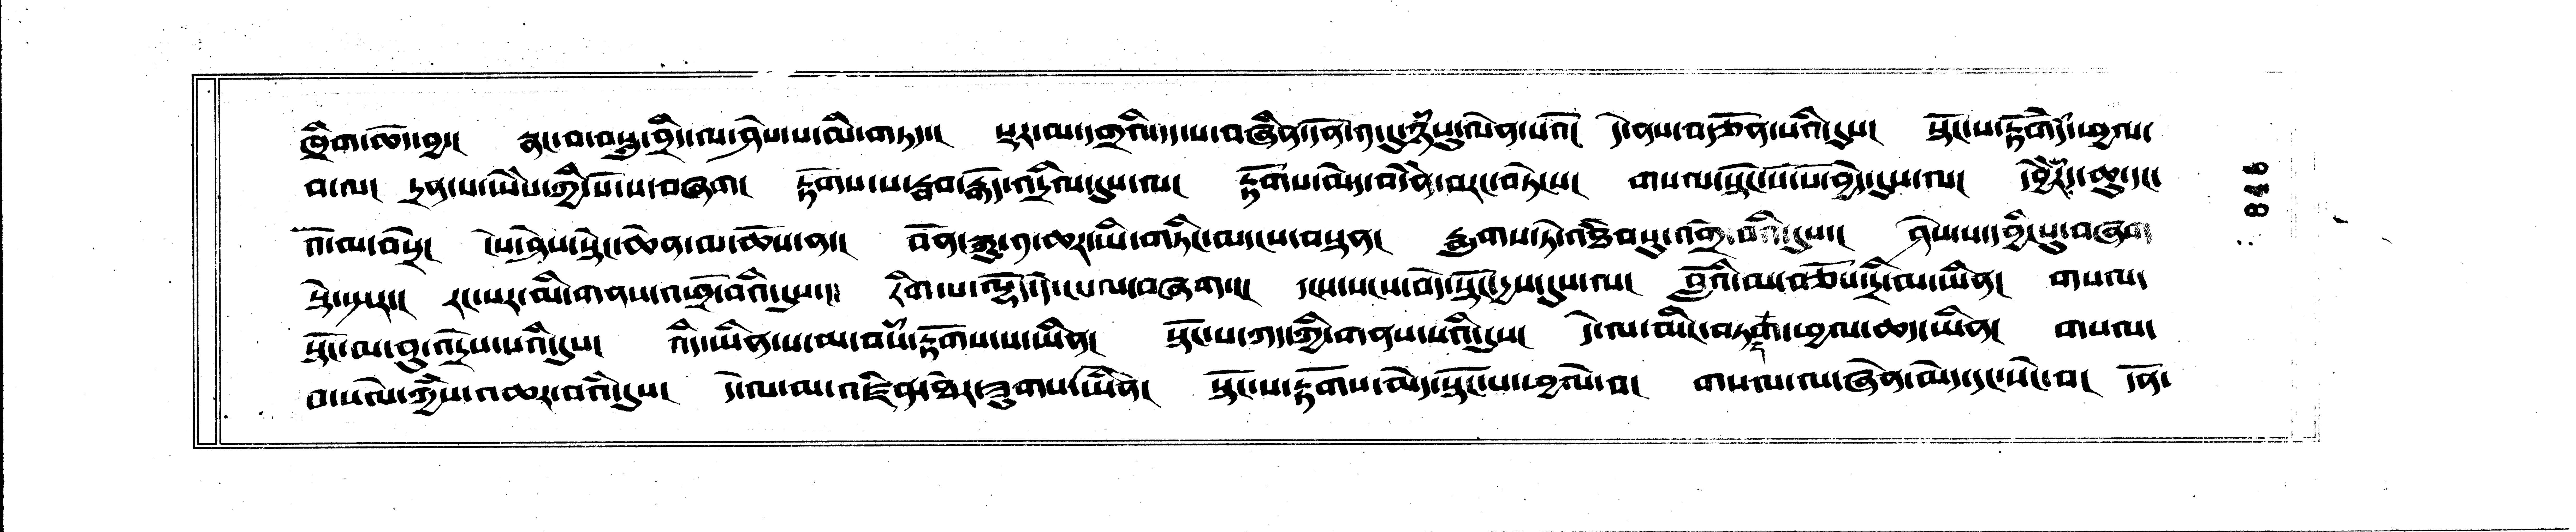ཁྲིག་ཆོད་བྱ། །སྣང་བ་བསླུ་བྲིད་ལ་ཤེས་པ་མི་གཏད། སྡར་མ་དགྲའི་ཡིས་དད་༼དེད༽པ་བཞིན། དོན་གཅིག་ཏུ་ཉམས་སུ་ལེན་པའོ། །དེ་ནས་བརྩོན་པའི་དུས། སྟོང་པ་རྟོག་མེད་ཕྱལ་
བ་ལ། །དྲན་པ་ཡེ་ཤེས་ཀྱི་སོ་པ་བཞག །རྟོག་པ་རྦབ་རྒོད་འདྲིལ་དུས་ལ། །རྟོག་མེད་བདེ་ཆེན་བར་སྣང་བཏེངས། །གསལ་སྟོང་སོ་སོ་བྱེད་དུས་ལ། །དབྱེར་མེད་ཆུ་དང་
འོ་མ་བསྲེ། །ངེས་ཤེས་སྟེང་ཆེན་མ་ཆོས་ན། །བོན་སྐུ་ཅིག་ཆར་ཡི་གཏིང་མདངས་བསྟན། །རྨུགས་ཏེ་འཐིབས་སུ་འགྲོ་བའི་དུས། །ཤེས་པ་དབྱིངས་སུ་བཞག་
སྟེ་སྤར། །རང་སར་མི་གནས་འཕྲོ་བའི་དུས། །རིག་པ་ལྷོད་དེ་ངང་ལ་བཞག །དྭངས་སང་བདེ་སྟོང་རྒྱས་དུས་ལ། །བློ་ཡིས་མ་བཅོས་དྲི་མ་ཡིན། །གསལ་
སྟོང་མ་བུ་འདྲེས་པའི་དུས། །འདི་ཡིན་པ་མ་བསམ་རྟོགས་པ་ཡིན། །སྟོང་པ་ཀད་ཀྱིས་གནས་པའི་དུས། །དེ་ལ་དམིགས་གཏད་ཕྱལ་ཆད་ཡིན། །གསལ་
བ་སལེ་ཀྱིས་འཆར་བའི་དུས། །དེ་ལ་མ་འཛིན་ཐེར་ཟུག་ཡིན། །སྟོང་པ་རྟོག་མེད་སྟོང་པ་ཕྱལ་ལེ་བ། །གསལ་ལ་ཞེན་མེད་དྭངས་སང་ངེ་བ། །དོན་